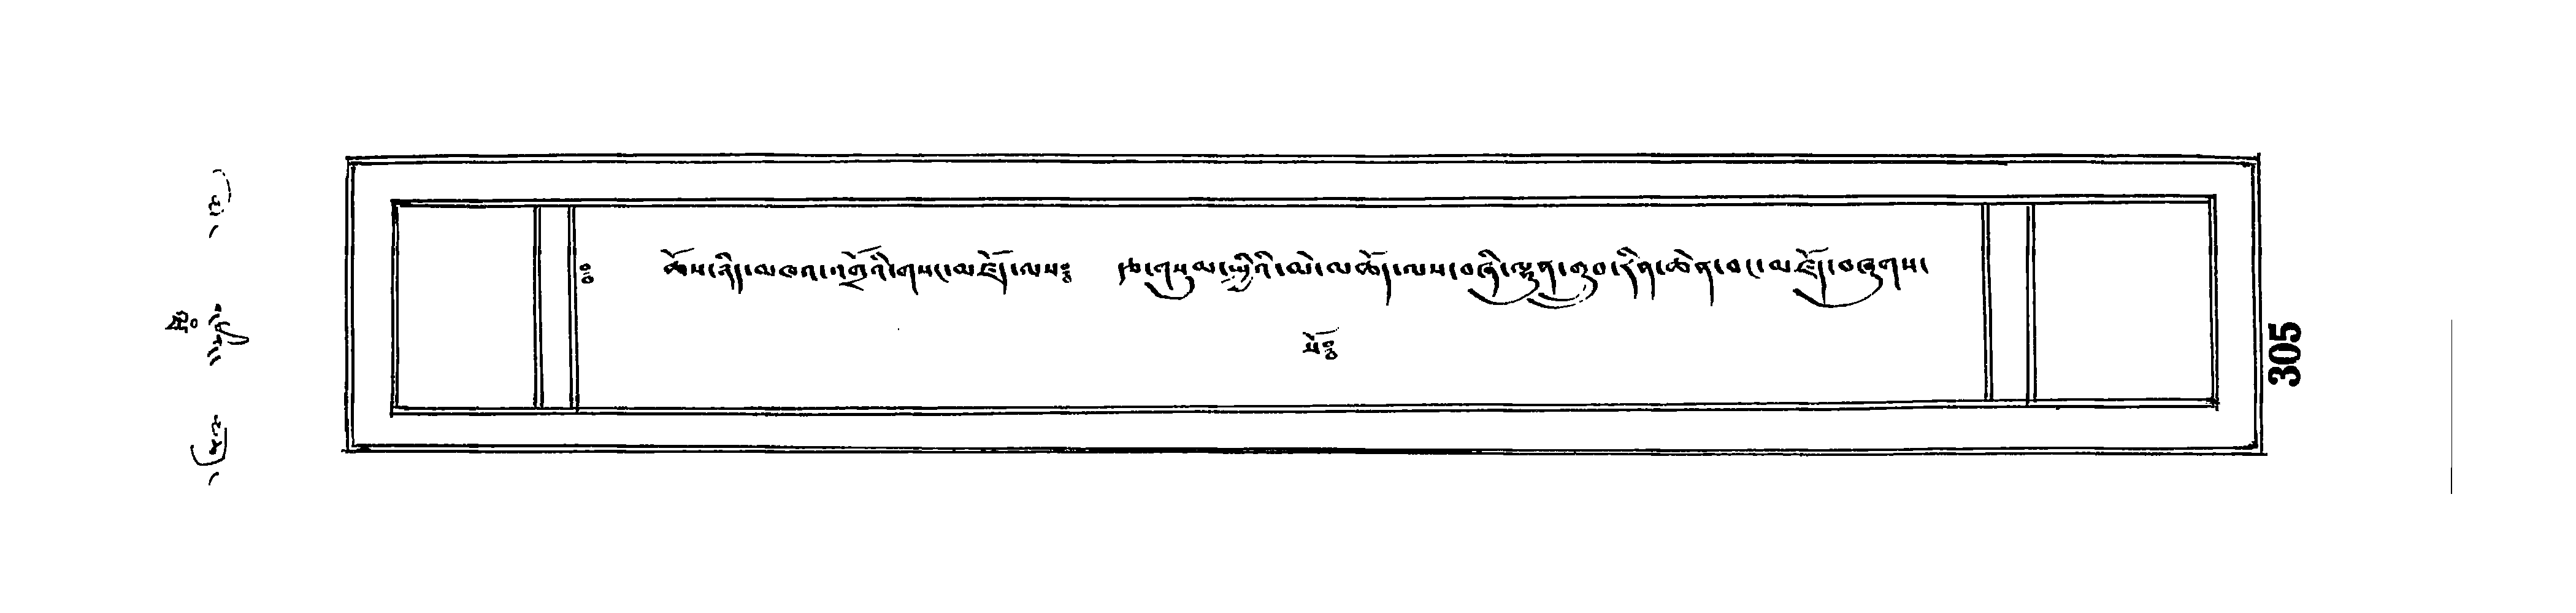ཆོས་ཉིད་མཁའ་འགྲོའི་གསང་མཛོད་ལས༔ རྩ་གསུམ་སྤྱིའི་མེ་མཆོད་ལས་བཞི་ལྷུན་གྲུབ་རིན་ཆེན་བང་མཛོད་བཞུགས་
སོ༔